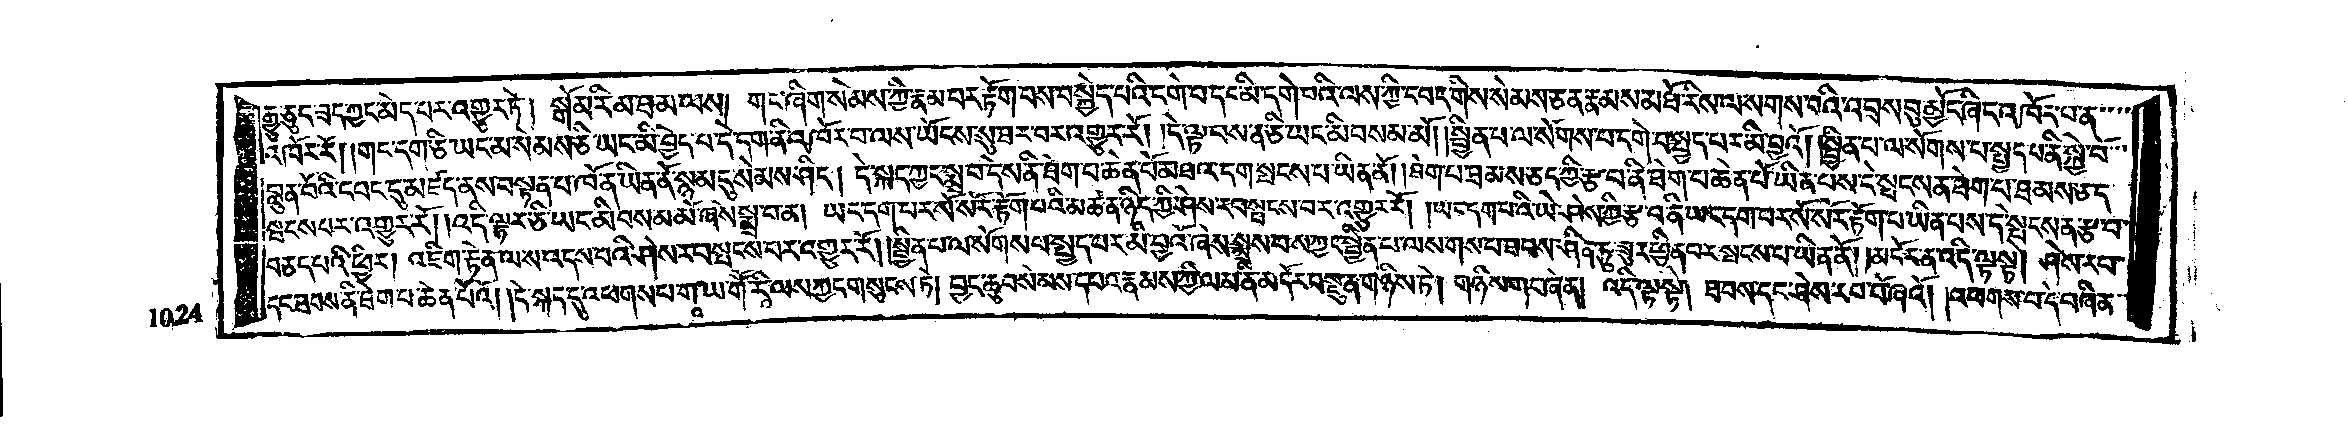རྒྱུ་ཅུང་ཟད་ཀྱང་མེད་པར་འགྱུར་ཏེ། སྒོམ་རིམ་ཐ་མ་ལས། གང་ཞིག་སེམས་ཀྱི་རྣམ་པར་རྟོག་པས་བསྐྱེད་པའི་དགེ་བ་དང་མི་དགེ་བའི་ལས་ཀྱི་དབང་གིས་སེམས་ཅན་རྣམས་མཐོ་རིས་ལ་སོགས་པའི་འབྲས་བུ་མྱོང་ཞིང་འཁོར་བ་ན་
འཁོར་རོ། །གང་དག་ཅི་ཡང་མི་སེམས་ཅི་ཡང་མི་བྱེད་པ་དེ་དག་ནི་འཁོར་བ་ལས་ཡོངས་སུ་ཐར་བར་འགྱུར་རོ། །དེ་ལྟ་བས་ན་ཅི་ཡང་མི་བསམ་མོ། །སྦྱིན་པ་ལ་སོགས་པ་དགེ་བ་སྤྱད་པར་མི་བྱའོ། །སྦྱིན་པ་ལ་སོགས་པ་སྤྱད་པ་ནི་སྐྱེ་བོ་
བླུན་པོའི་དབང་དུ་མཛད་ནས་བསྟན་པ་ཁོ་ན་ཡིན་ནོ་སྙམ་དུ་སེམས་ཤིང་། དེ་སྐད་ཀྱང་སྨྲ་བ་དེས་ནི་ཐེག་པ་ཆེན་པོ་མཐའ་དག་སྤངས་པ་ཡིན་ནོ། །ཐེག་པ་ཐམས་ཅད་ཀྱི་རྩ་བ་ནི་ཐེག་པ་ཆེན་པོ་ཡིན་པས་དེ་སྤངས་ན་ཐེག་པ་ཐམས་ཅད་
སྤངས་པར་འགྱུར་རོ། །འདི་ལྟར་ཅི་ཡང་མི་བསམ་མོ་ཞེས་སྨྲ་བ་ན། ཡང་དག་པར་སོ་སོར་རྟོག་པའི་མཚན་ཉིད་ཀྱི་ཤེས་རབ་སྤངས་པར་འགྱུར་རོ། །ཡང་དག་པའི་ཡེ་ཤེས་ཀྱི་རྩ་བ་ནི་ཡང་དག་པར་སོ་སོར་རྟོག་པ་ཡིན་པས་དེ་སྤངས་ན་རྩ་བ་
བཅད་པའི་ཕྱིར། འཇིག་རྟེན་ལས་འདས་པའི་ཤེས་རབ་སྤངས་པར་འགྱུར་རོ། །སྦྱིན་པ་ལ་སོགས་པ་སྤྱད་པར་མི་བྱའོ་ཞེས་སྨྲས་པས་ཀྱང་སྦྱིན་པ་ལ་སོགས་པ་ཐབས་ཤིན་ཏུ་ཟུར་ཕྱིན་པར་སྤངས་པ་ཡིན་ནོ། །མདོར་ན་འདི་ལྟ་སྟེ། ཤེས་རབ་
དང་ཐབས་ནི་ཐེག་པ་ཆེན་པོའོ། །དེ་སྐད་དུ་འཕགས་པ་གཱ་ཡ་གཽ་རཱི་ལས་ཀྱང་གསུངས་ཏེ། བྱང་ཆུབ་སེམས་དཔའ་རྣམས་ཀྱི་ལམ་ནི་མདོར་བསྡུ་ན་གཉིས་ཏེ། གཉིས་གང་ཞེ་ན། འདི་ལྟ་སྟེ། ཐབས་དང་ཤེས་རབ་བོ་ཞེའོ། །འཕགས་པ་དེ་བཞིན་